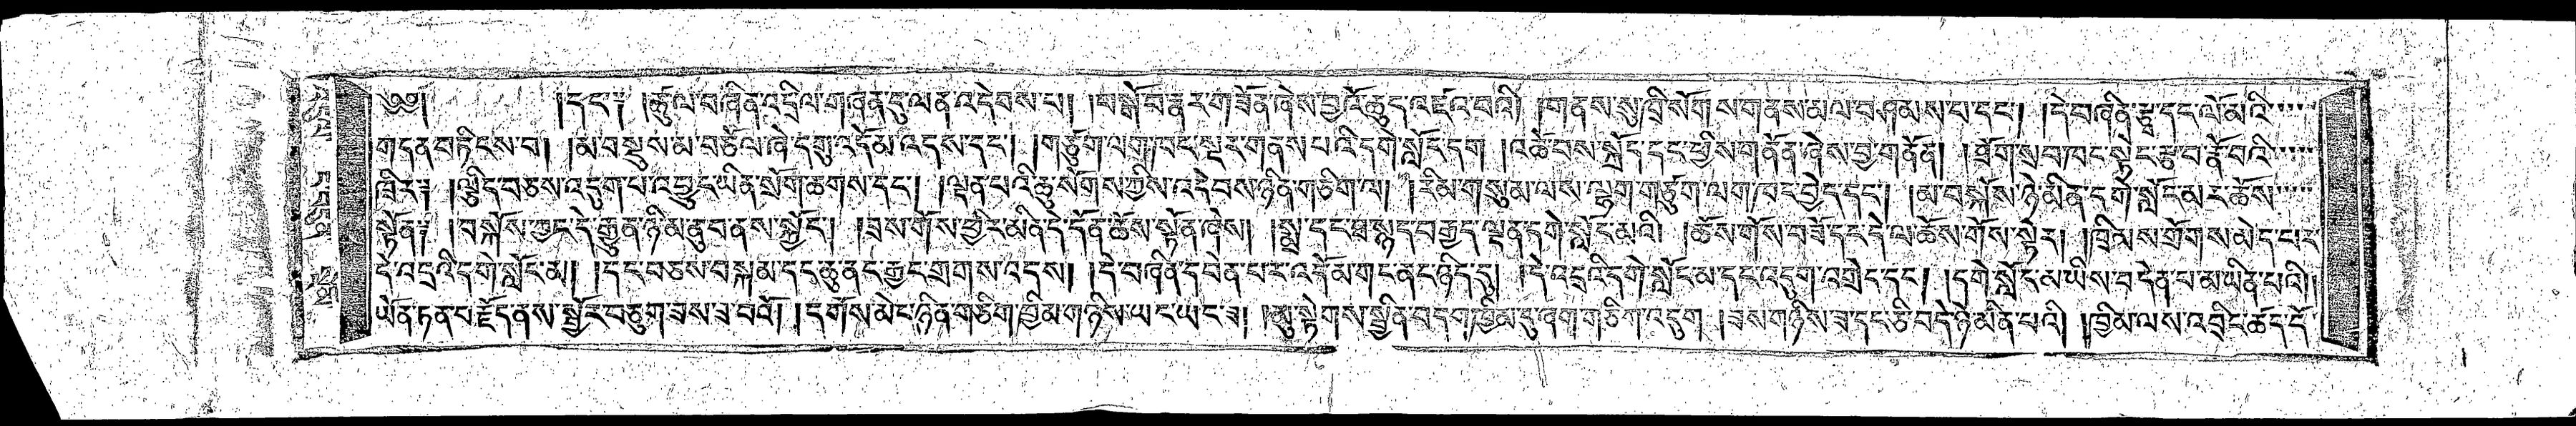༄༅། །དང༑ །ཚུལ་བཞིན་འདྲི་ལ་གཞན་དུ་ལན་འདེབས་པ། །བསྒོ་བ་རྣར་གཟོན་ཞེས་བྱའོ་ཆུད་འཛའ་བའི། །གནས་སུ་ཁྲི་སོགས་གནས་མལ་བཤམས་པ་དང་། །དེ་བཞིན་རྩྭ་དང་ལོ་མའི་
གདན་བཏིངས་བ། །མ་བསྡུས་མ་བཅོལ་ཞེ་དགུ་འདོམ་འདས་དང་། །གཙུག་ལག་ཁང་སྔར་གནས་པའི་དགེ་སློང་དག །འཚེ་བས་སྐྲོད་དང་ཕྱིས་གནོན་ཞེས་བྱ་གནོན། །ཐོག་སྲབ་ཁང་སྟེང་རྩ་བ་རྣོ་བའི་
ཁྲིར༑ །ལྕིད་བཅས་འདུག་པ་འབྱུང་ཡིན་སྲོག་ཆགས་དང་། །ལྡན་པའི་ཆུ་སོགས་ཀྱིས་འདེབས་ཉིན་གཅིག་ལ། །རིམ་གསུམ་ལས་ལྷག་གཙུག་ལག་ཁང་བྱེད་དང་། །མ་བསྐོས་ཉེ་མིན་དགེ་སློང་མར་ཆོས་
སྟོན༑ །བསྐོས་ཀྱང་དེ་རྒྱུན་ཉི་མ་ནུབ་ནས་སྐྱོང་། །ཟས་གོས་ཕྱིར་མིན་དེ་དོན་ཆོས་སྟོན་ཞེས། །སྨྲ་དང་ཐ་སྙད་བརྒྱད་ལྡན་དགེ་སློང་མའི། །ཆོས་གོས་བཟོ་དང་དེ་ལ་ཆོས་གོས་སྟེར། །ཁྲིམས་གྲོགས་མེད་པར་
དེ་འདྲའི་དགེ་སློང་མ། །དང་བཅས་བསྐམ་དང་ཆུ་ནང་རྒྱང་གྲགས་འདས། །དེ་བཞིན་དབེན་པར་འདོམ་གང་ནང་ཉིད་དུ། །དེ་འདྲའི་དགེ་སློང་མ་དང་འདུག་འགྲེང་དང་། །དགེ་སློང་མ་ཡིས་བདེན་པ་མ་ཡིན་པའི། །
ཡོན་ཏན་བརྗོད་ནས་སྦྱོར་བཅུག་ཟས་ཟ་བའོ། །དགོས་མེད་ཉིན་གཅིག་ཁྱིམ་གཉིས་ཡང་ཡང་ཟ། །མུ་སྟེགས་སྦྱིན་བདག་ཁྱིམ་དུ་ཞག་གཅིག་འདུག །ཟས་གཉིས་ཟ་དང་ཅི་བདེ་ཉེ་མིན་པའི། །ཁྱིམ་ལས་འབྲིང་ཚད་དོ་